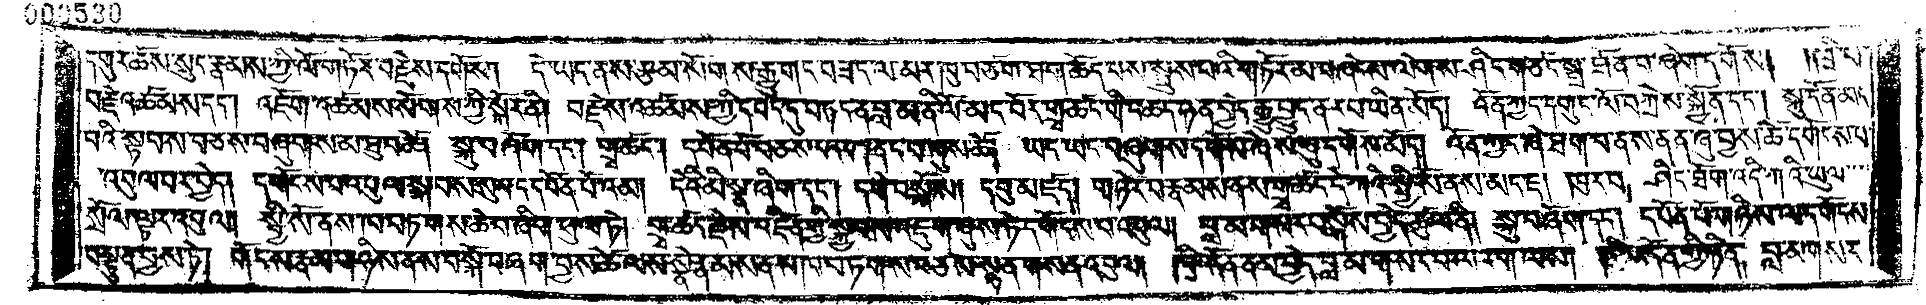དགུར་ཆོས་སྲུང་རྣམས་ཀྱི་ལོ་གཏོར་བརྗེས་དགོས། དེ་ཡང་ནས་རྩམ་སོགས་རྒྱུ་གང་བཟང་ལ་མར་ཁུ་བཙག་ཐག་ཆོད་པས་སྤྲུས་པའི་གཏོར་མ་བཞེངས་ལེགས་ཤིང་གཙང་སྤྲ་ཐོན་པ་ཞིག་དགོས། །ཁྲི་པ་
བརྗེ་འཚམས་དང་། འཇོག་འཚམས་སོགས་ཀྱི་སྐོར་ནི། བརྗེས་འཚམས་ཀྱི་དབང་དུ་བཏང་ན་བླ་མ་ནི་ལོ་མང་པོར་གྲྭ་ཚང་གི་འཆད་ཉན་བྱེད་རྒྱུ་བྱུང་ན་རབ་ཡིན་མོད། འོན་ཀྱང་དགུང་ལོ་བཀྲེས་སྐྱོན་དང་། སྐུ་དོན་མང་
བའི་སྟབས་བཅས་བཞུགས་མ་ཐུབ་ཚེ། སྐུ་བཞོག་དང་། གྲྭ་ཚང་། དཔོན་པོ་བཅས་པར་བ། ནང་བ་ཞུས་ཚེ། ཡང་ཡང་བཞུགས་དགོས་ཞེས་ཞུ་དགོས་མོད། འོན་ཀྱང་ཞེ་ཐག་པ་ནས་ནན་ཞུ་བྱས་ཚེ་དགོངས་པ་
འབུལ་བར་བྱེད། དགོངས་པ་འབུལ་སྐབས་སུའང་དཔོན་པོའམ། དེའི་མི་སྣ་ཞིག་དང་། དགེ་བསྐོས། དབུ་མཛད། གཉེར་བ་རྣམས་ནས་གྲྭ་ཚང་དེ་ཀའི་སྤྱི་སོ་ནས་མང་ཇ། ཁུར་བ། ཤིང་ཐོག་འདི་ཀའི་ཡུལ་
སྲོལ་ལྟར་འབུལ། སྤྱི་སོ་ནས་ཁ་བཏགས་ཆེ་བ་ཞིག་ཕུལ་ཏེ། གྲྭ་ཚང་རྗེས་འཛིན་གྱི་སྐྱབས་འཇུག་ཞུས་ཏེ་དགོངས་པ་འབུལ། བླ་མ་གསར་བསྐོས་བྱེད་ཚུལ་ནི། སྐུ་བཞོག་དང་། དཔོན་པོ་གཉིས་ལ་དགོངས་
བསྟུན་བྱས་ཏེ། གོང་ས་རྣམ་གཉིས་ནས་བསྐོ་བཞག་བྱས་ཚེ་ལས་སྣེ་རྣམས་ནས་ཁ་བཏགས་བཅས་སྙན་གསན་འབུལ། ཁྲི་འདོན་ནམ་བྱེད་བླ་མ་གསར་བ་ལ་རག་ལས། ཁྲི་འདོན་གྱི་ཉིན། བླ་མ་གསར་